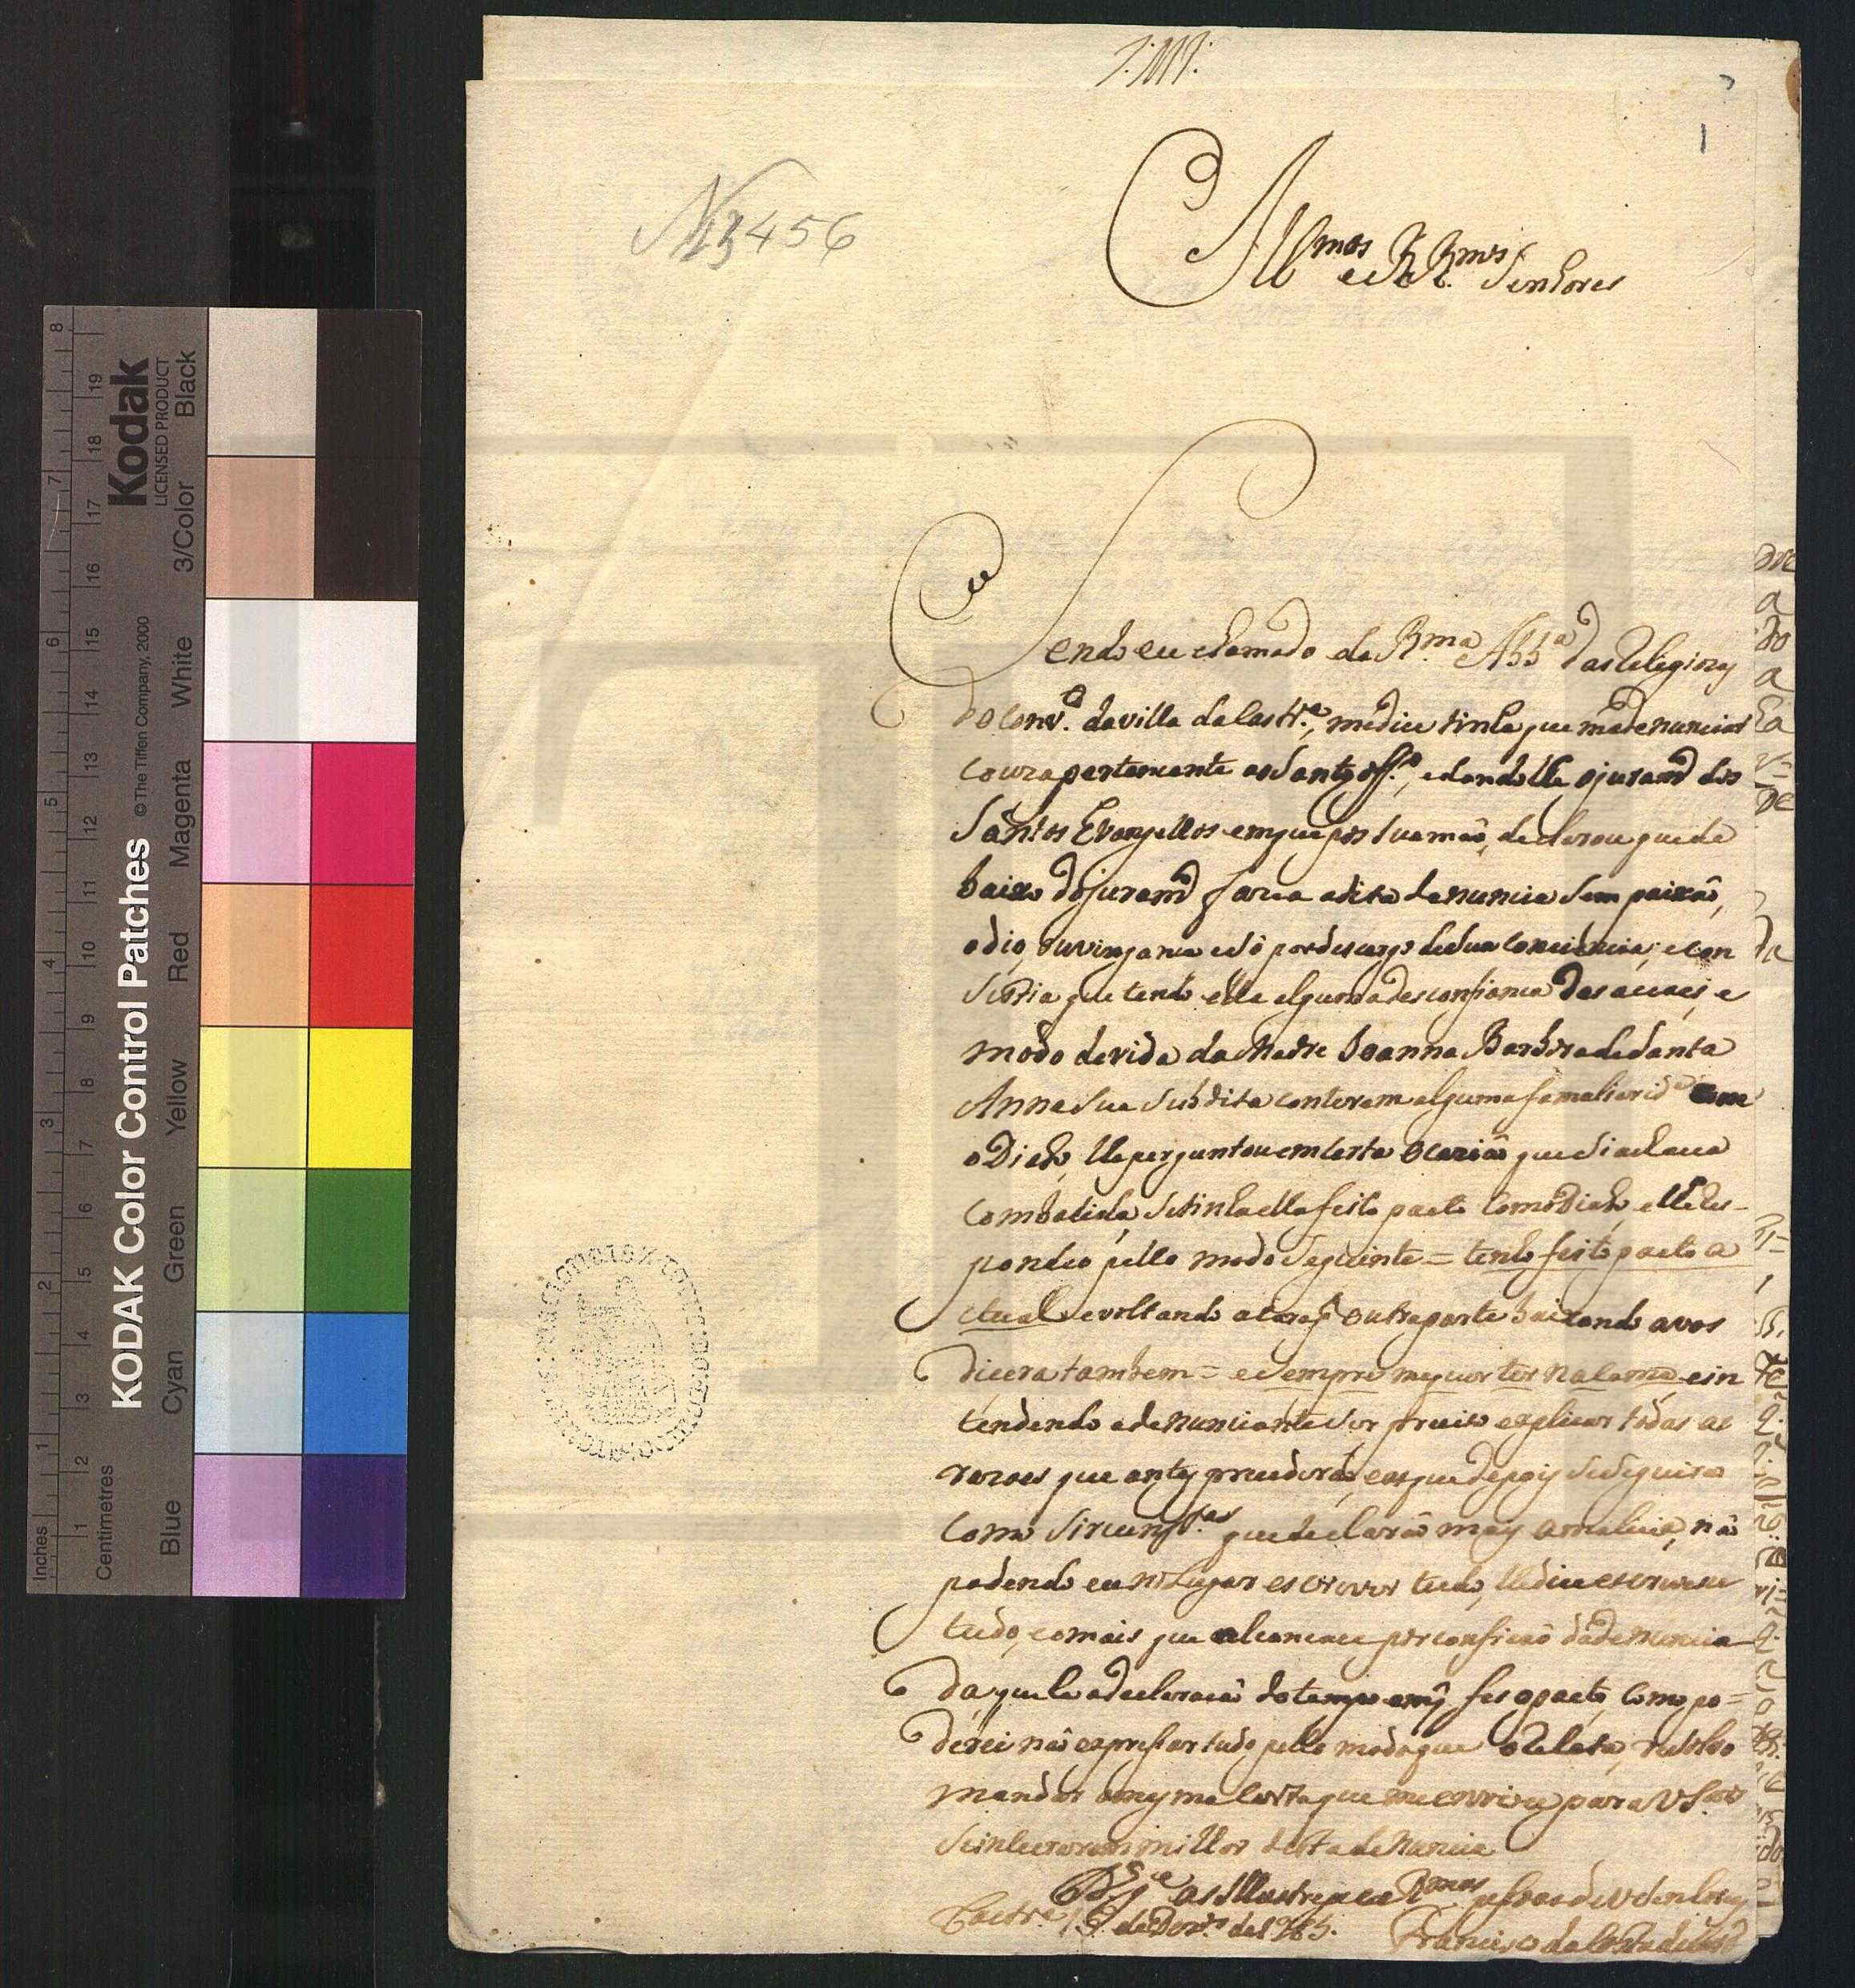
Ill.mos e RR.mos Senhores
Sendo eu chamado da R.ma Abba das Religiozas
do conv.to da villa da Castr.a, me dice tinha que me denunciar
couza pertencente ao Santo off.o, e dandolhe o juramto dos
Santos Evangelhos em que pos sua maõ, declarou que de
baixo do juramto fazia a dita denuncia sem paixaõ,
odio, ou vingança e só por descargo de sua conciencia; e con
Sestia que tendo ella alguma desconfiança das acçoes, e
modo de vida da Madre Ioanna Barbosa de Santa
Anna sua subdita conterem alguma femaliaride com
o Diabo, lhe perguntou em certa ocaziaõ que si achaua
combalida, se tinha ella feito pacto como Diabo, e lhe res
pondeo pello modo seguinte = tenho feito pacto a
ctual e voltando a cara pa outra parte baixando a vos
dicera tambem = e sempre me quer ter na cama, e in
tendendo o denunciante ser preciso explicar todas as
razoes que antes precederaõ, e as que depois se seguira
como sircuns.tas que declaraõ mais a malicia, naõ
podendo eu no Lugar escrever tudo, lhe dice escrivesse
tudo, e o mais que alcancace por confiçaõ da denuncia
daquela declaraçaõ do tempo em q̄ fes o pacto, como po
derei naõ expressar tudo pello modo que o relata, resolvo
mandar a mesma carta que me enviou para VS.as
se incurerem milhor desta denuncia.
D.s g.e as Illustres e a R.mas pesoas de v Senhores
Caetr.e 15 de Dez.o de 1765.
Francisco da Costa de
